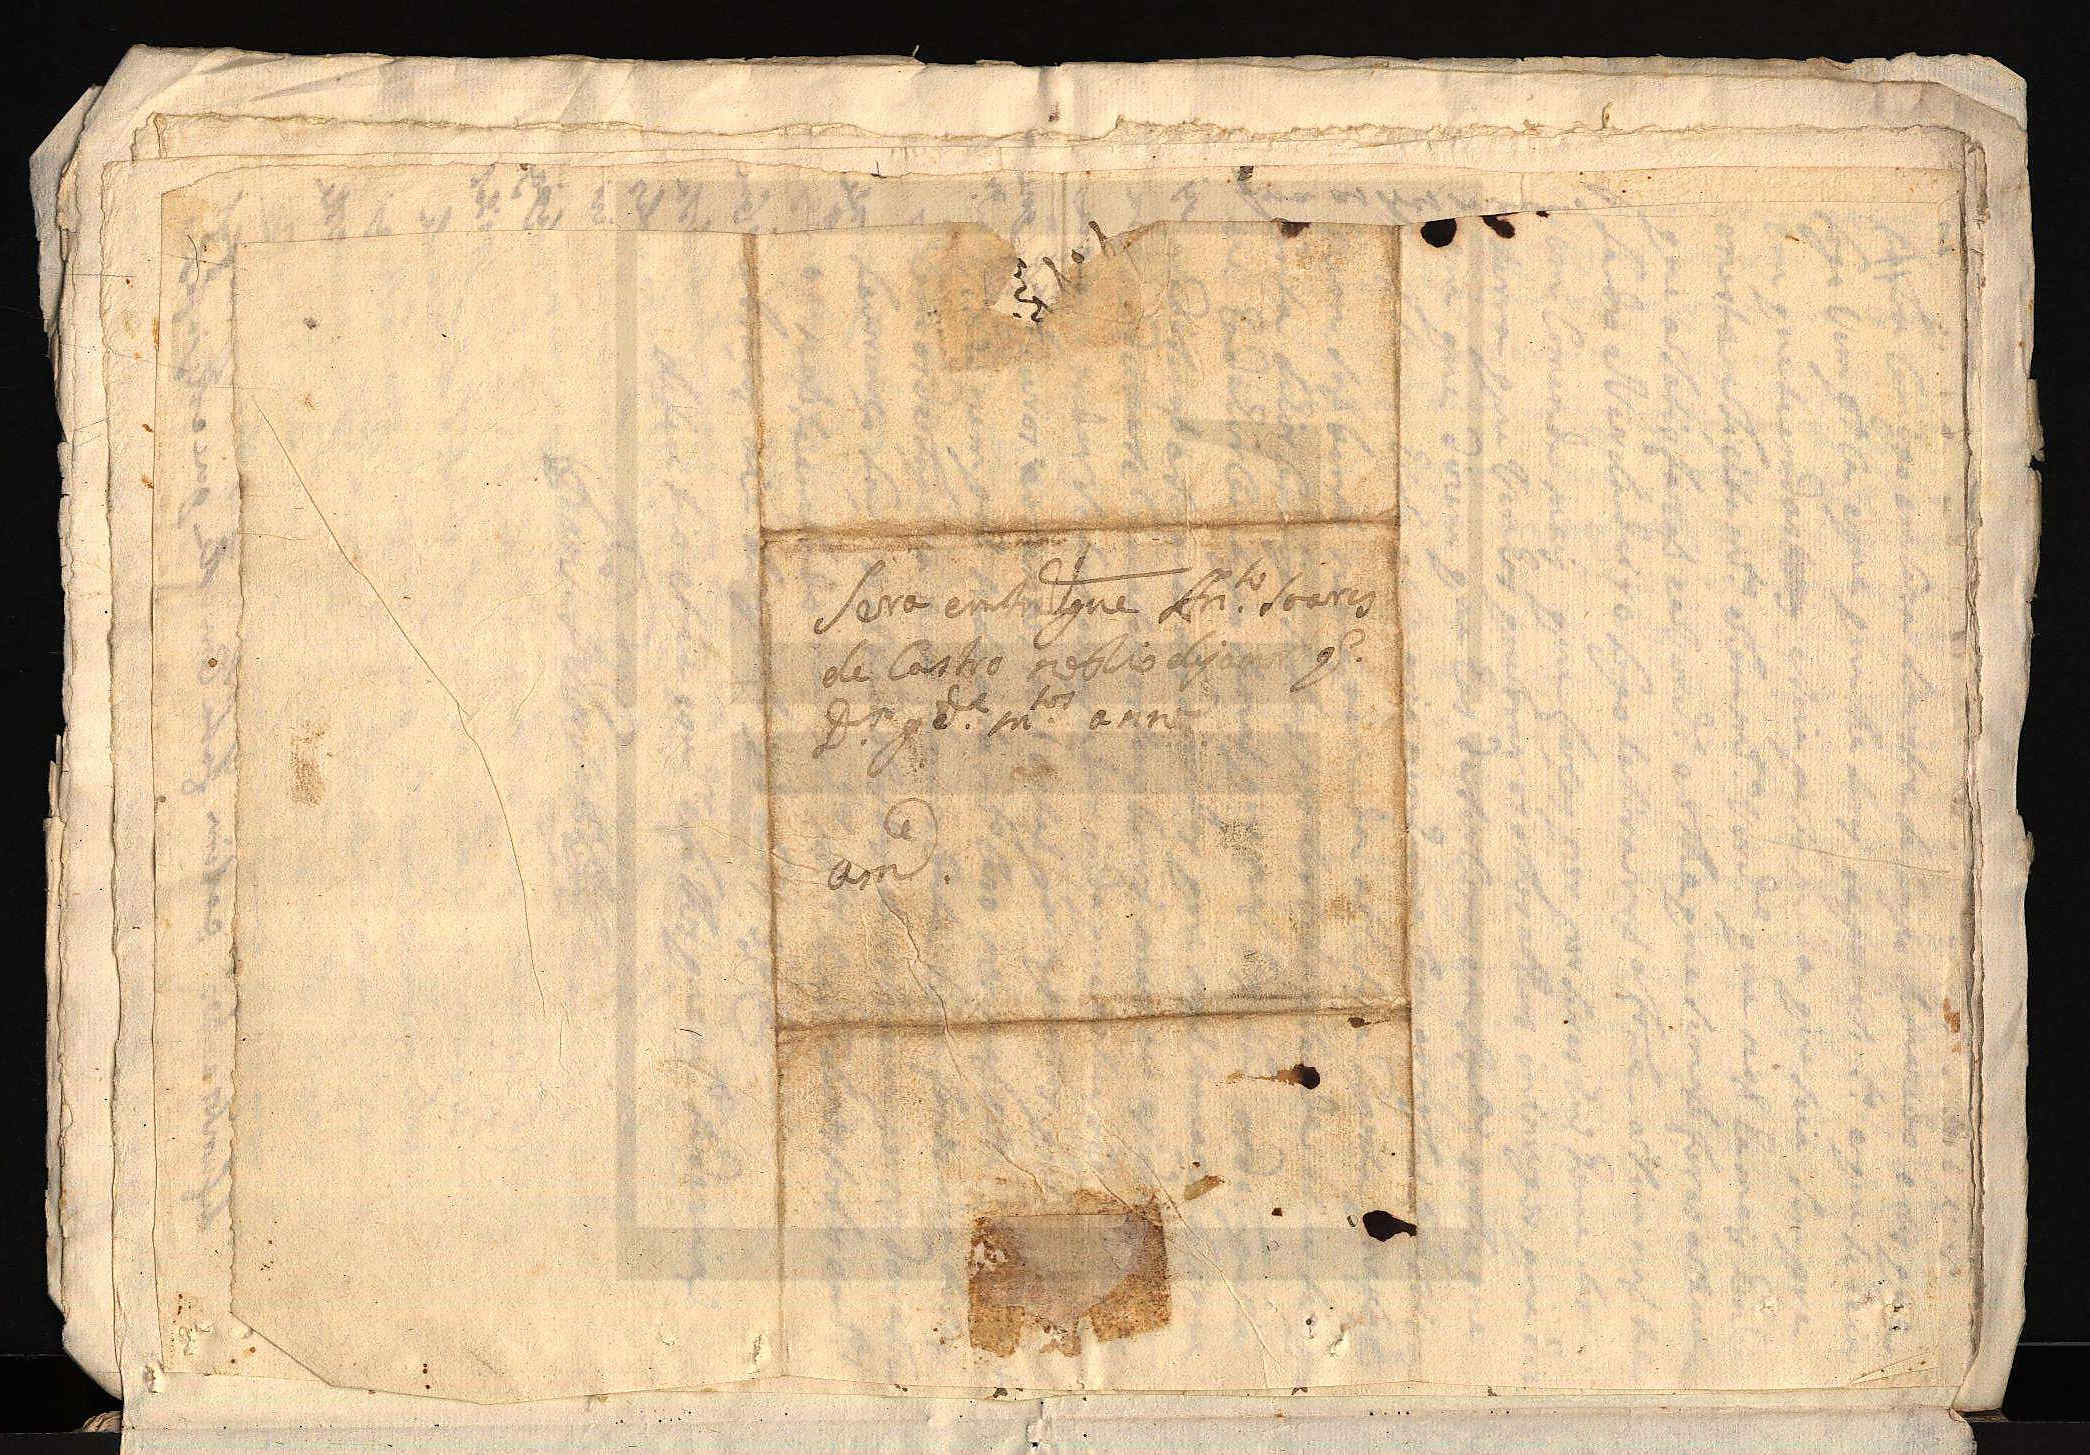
sera emtregue An.to Soares
de Castro no Rio de janr q̄
D.s gd.e m.tos annos
a mce.
